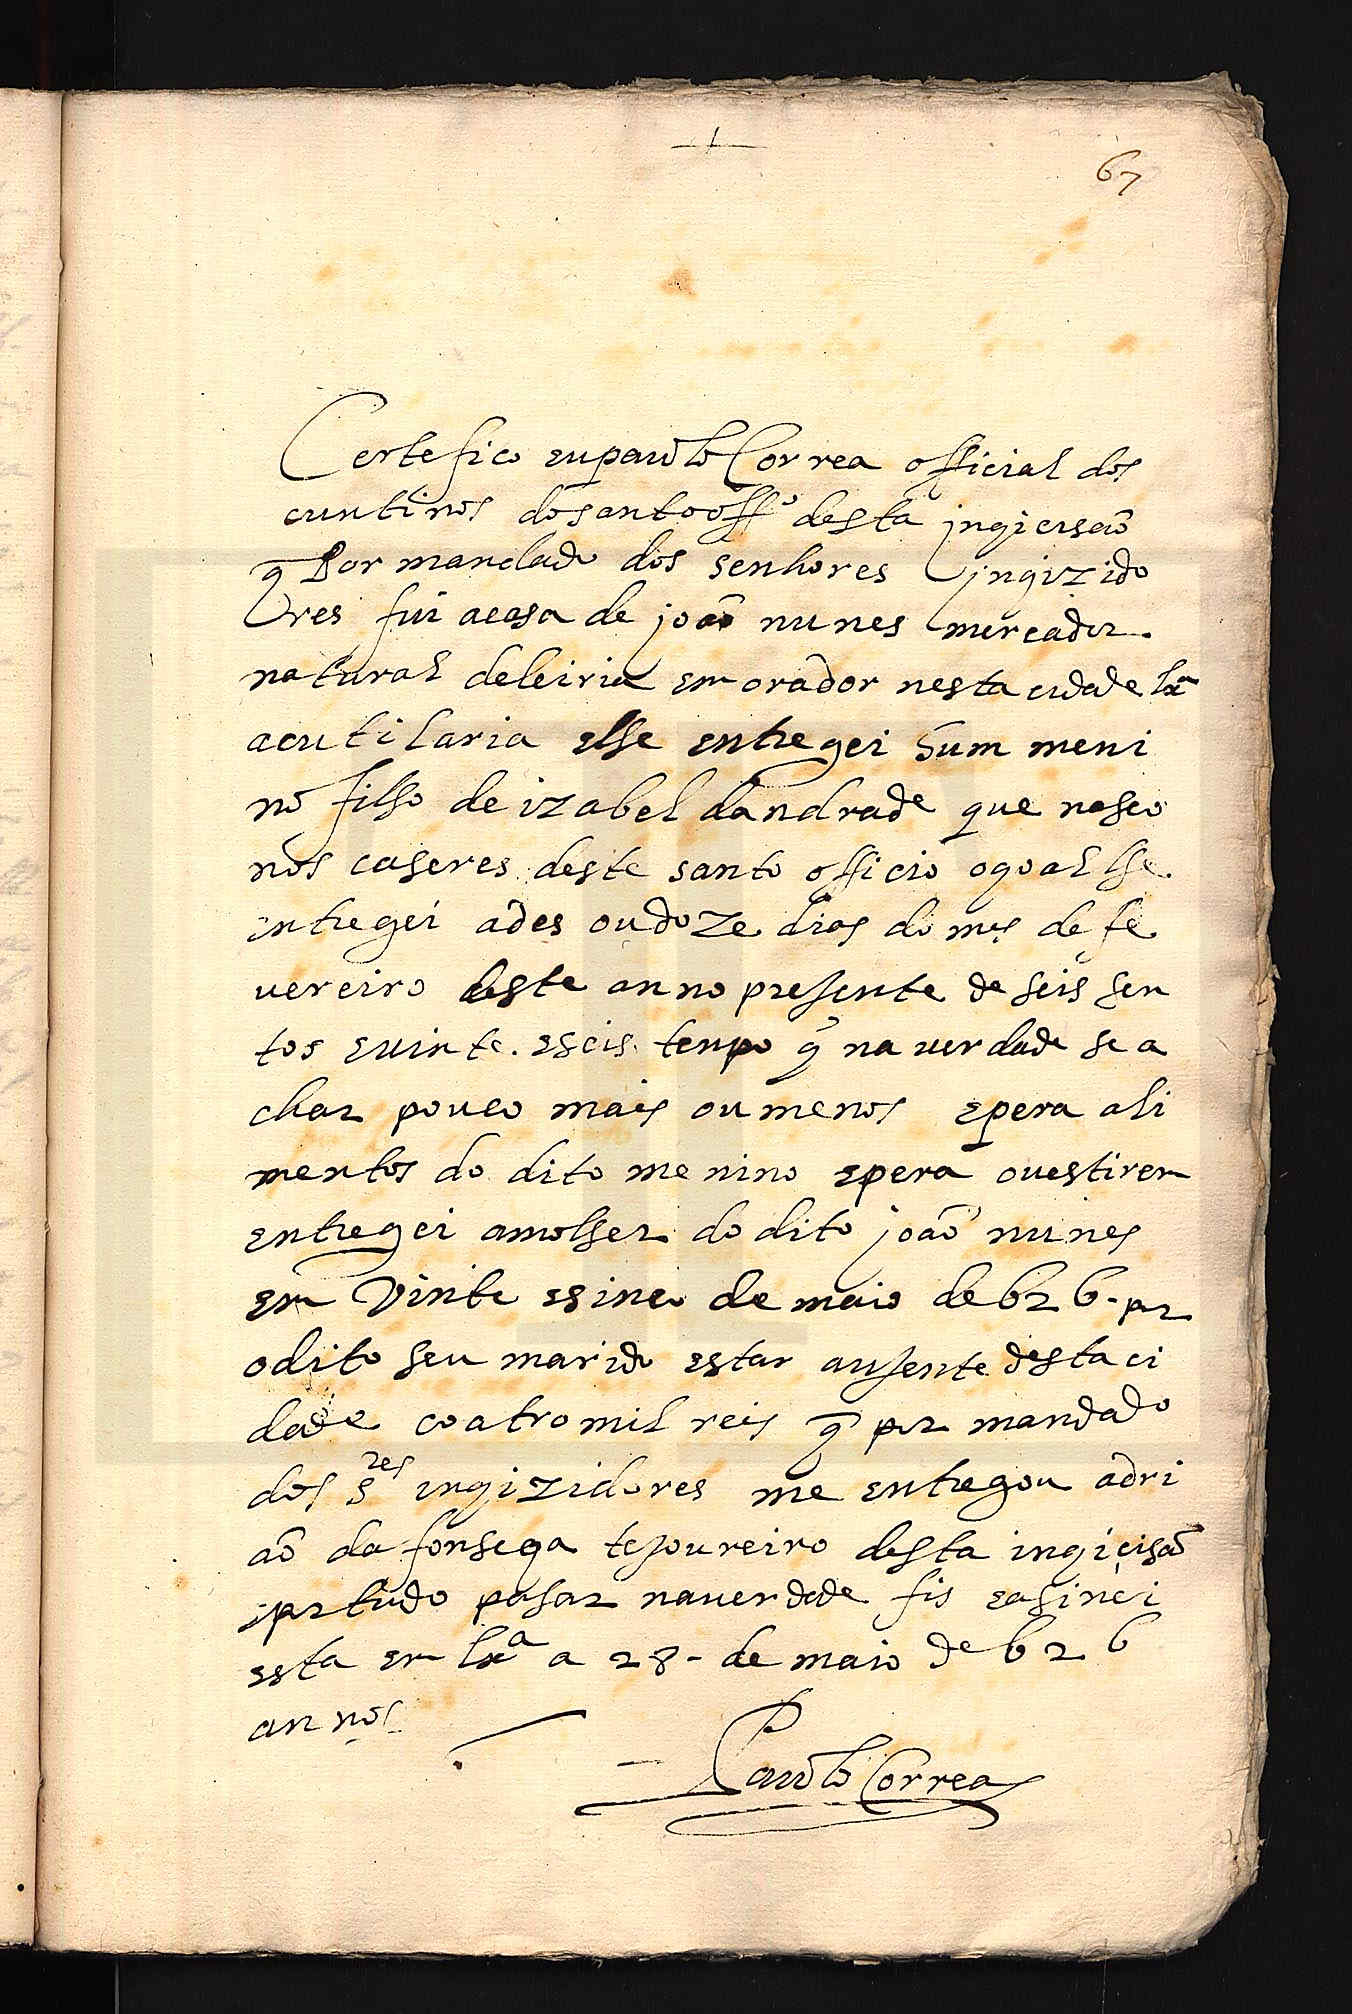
Certefico Eu paulo Correa official dos
cuntinos do santo offo desta jnqicisaõ
q̄ Por mandado dos senhores jnqizido
res fui a casa de joaõ nunes mercador
natural de leiria E morador nesta cidade lxa
a cutilaria E lhe Entregei hum meni
no filho de izabel dandrade que naseo
nos caseres deste santo officio o qoal lhe
entregei a des ou doze dias do mes de fe
uereiro deste anno prezente de seissen
tos E uinte E seis tenpo q̄ na uerdade se a
char pouco mais ou menos E pera ali
mentos do dito menino E pera o uestirem
Entregei a molher do dito joaõ nunes
Em vinte E sinco de maio de 626. por
o dito seu marido Estar auzente desta ci
dade coatro mil reis q̄ por mandado
dos sres inqizidores me Entregou adri
aõ da fonseqa tezoureiro desta inqiçisaõ
E por tudo pasar na uerdade fis E asinei
Esta Em lxa a 28 - de maio de 626
annos
Paulo Correa
